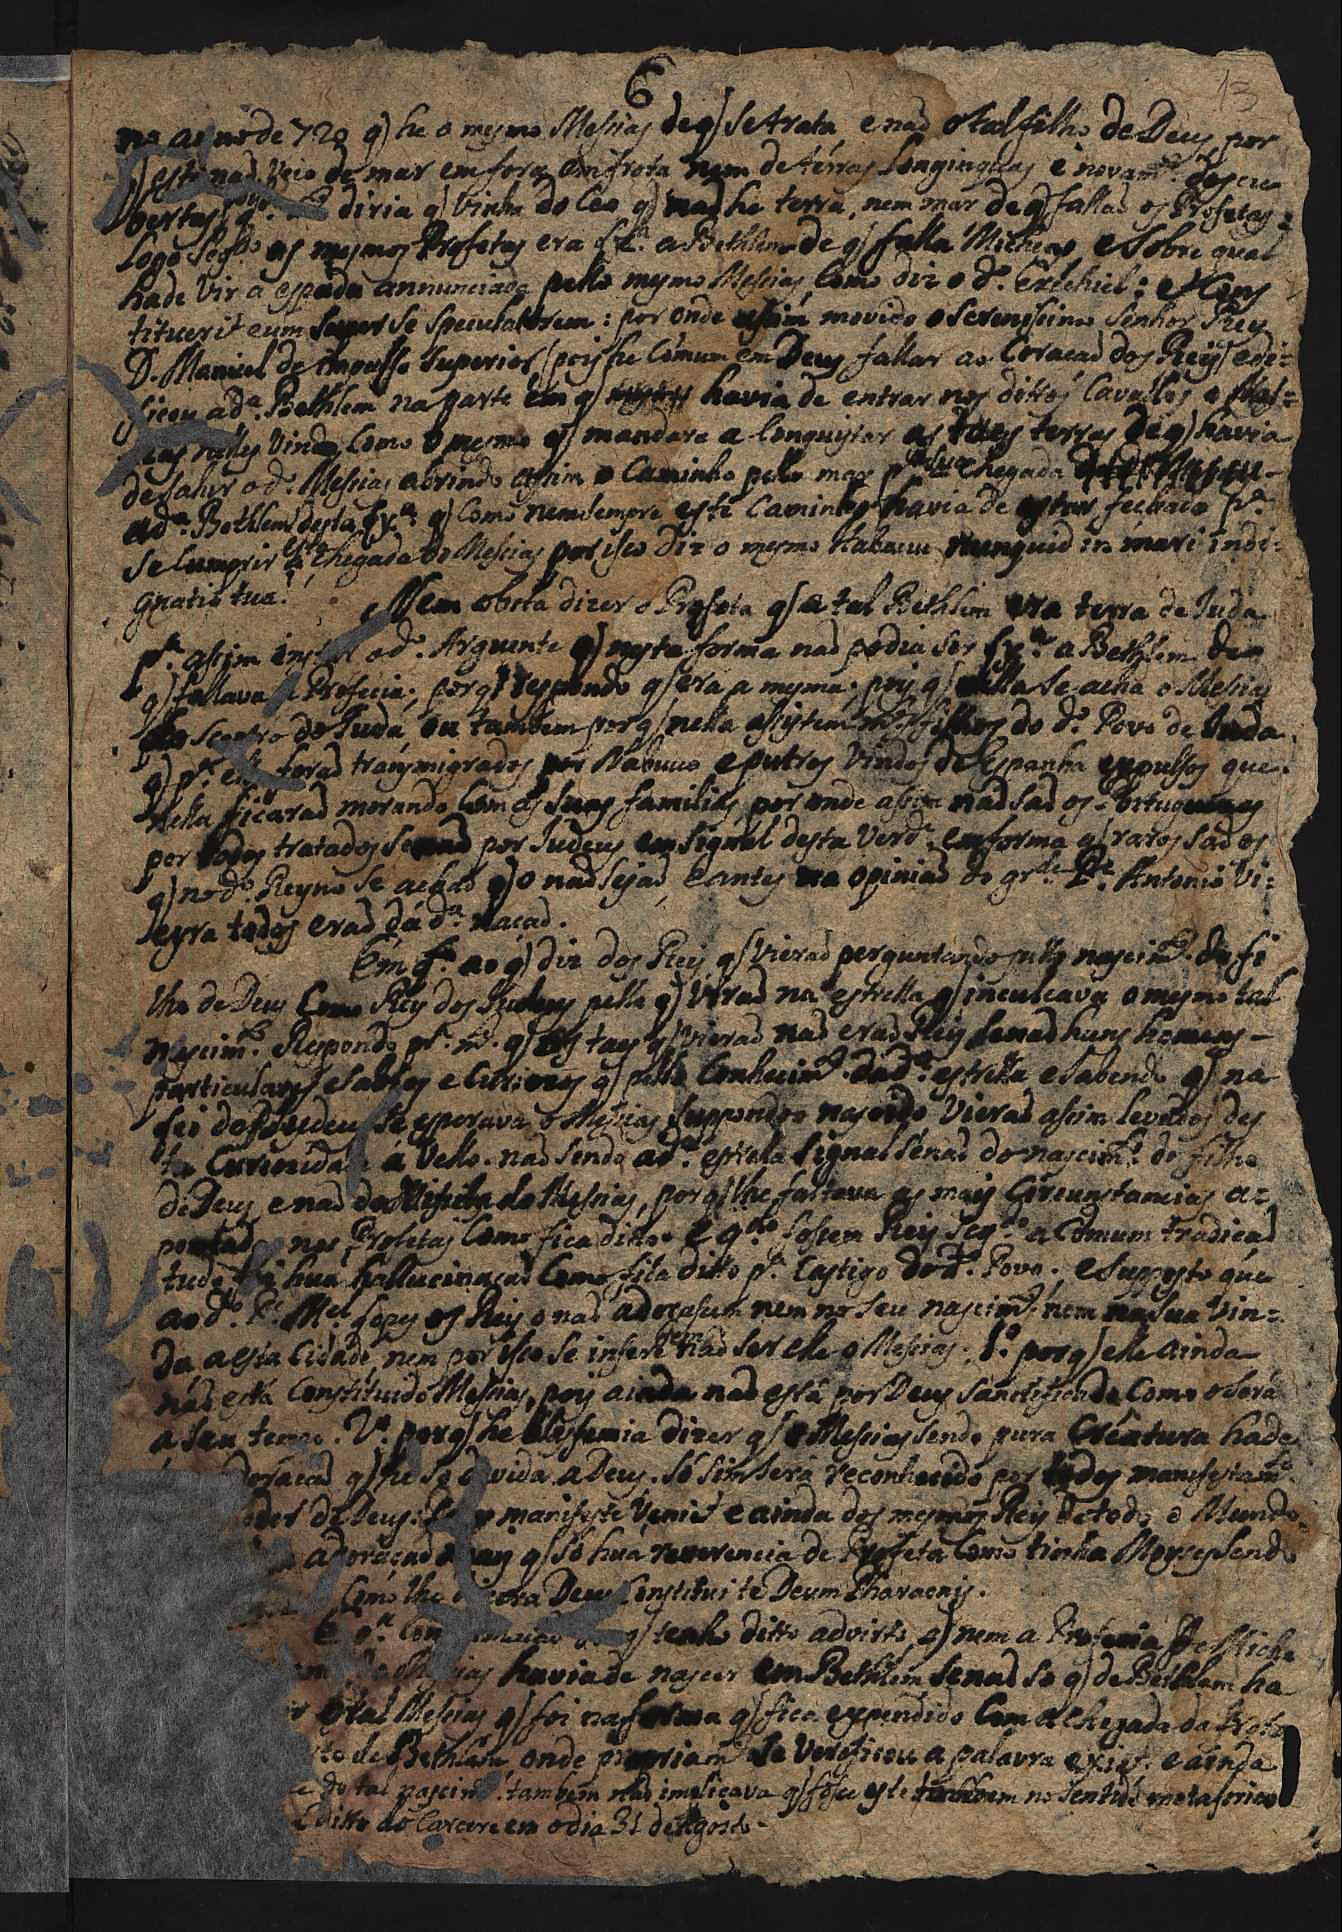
no a_no de 720 q̄ he o mesmo Messias de q̄ se trata, e naõ o tal filho de Deus, por
q̄ est_ naõ veio de mar em fora em frota nem de terras Longinquas e novam.te descu
bertas q̄. _ diria q̄ vinha do Ceo q̄ naõ he terra, nem mar de q̄ fallaõ os Profetas
Logo seg.do os mesmos Profetas era Lx.a a Bethlem de q̄ falla Micheo, e Sobre qual
ha de vir a espada annunciada pello mesmo Messias, Como diz o d.o Exechiel; e Cons
tituerit cum super se speculatorem: por onde assim movido o Serenissimo Senhor Rey
D. Manuel de impulso superior /pois he Com̄um em Deus fallar ao Coraçaõ dos Reis/ edi
ficou a d.a Bethlem na parte em q̄ estes havia de entrar nos dittos Cavallos e foraõ
_as neles vindo Como o mesmo q̄ mandara a Conquistar as taes terras de q̄ havia
de sahir o d.o Messias abrindo assim o Caminho pelo mar p.a sua chegada
a d.a Bethlem desta Lx.a q̄ Como nem sempre este Caminho o havia de estar fechado p.a
se cumprir a çhegada do Messias por isso diz o mesmo Habacuc nunquid in mari indi
gnatio tua!
Nem obsta dizer o Profeta q̄ a tal Bethlem era terra de Iuda
p.a assim instar o d.o Arguente q̄ nesta forma naõ podia ser Lx.a a Bethlem de
q̄ falava a Profecia; porq̄ respondo q̄ era a mesma; pois q̄ della se acha o Messias
do se_tro de Iuda, ou tambem porq̄ nella assistem m.tos filhos do d.o Povo de Iuda
q̄ p.a e_ foraõ transmigrados por Nabucco e outros vindos de Espanha expulsos que
nella ficaraõ morando Com as suas familias, por onde assim naõ saõ os. Portugueses
por todos tratados senaõ por Iudeus em signal desta Verd.e em forma q̄ raros saõ os
q̄ no d.o Reyno se achaõ q̄ o naõ sejaõ, e antes na opiniaõ do gr.de P.e Antonio Vi
eyra todos eraõ da d.a naçaõ.
Emq.to ao q̄ diz dos Reis q̄ vieraõ perguntando pello nascim.to do fi
lho de Deus Como Rey dos Iudeus pello q̄ viraõ na estrella q̄ inculcava o mesmo tal
nascim.to e Respondo pr.am.te q̄ os taes q̄ vieraõ naõ eraõ Reis senaõ huns homens
particulares sabios e Curiozos q̄ pello Conhecim.to da d.a estrella e sabendo q̄ na
scido _deu se esperava o Messias suppondoo nascido vieraõ assim levados des
ta Curiozida_ a vello. naõ sendo a d.a estrella signal senaõ do nascim.to do filho
de Deus, e naõ da _isi_a do Messias, porq̄ lhe faltaua as mais circunstancias a
pontad_ nos Profetas Como fica ditto. E q.do fossem Reis seg.do a Comum tradiçaõ
tudo _ huā hallucinaçaõ Como fica ditto p.a castigo do d̄.o Povo; e supposto que
ao d.o P.e M.el Lopes os Reis o naõ adorassem nem no seu nascim;to nem na sua vin
da, a esta Cidade, nem por isso se infere bem naõ ser elle o Messias: 1.o porq̄ elle ainda
naõ está Constituido Messias, pois ainda naõ está por Deus sanctificado Como o Será
a seu tempo. 2.o porq̄ he blesfemia dizer q̄ o Messias sendo pura Crêatura ha de
_oraçaõ q̄ he so _vida a Deus. só sim será reconhecido por todos manifestam.te
oder de Deus: _ manifeste Venia e ainda dos mesmos Reis de todo o Mundo
adoraçaõ mais q̄ só hua reverencia de Profeta Como tinha Moyses Sendo
Como lhe _ora Deu_ Constetui te Deum Pharaonis.
e p.a Con ___iaõ do q̄ tenho ditto advirto, q̄ nem a Profecia De Miche
ias havia de nascer em Bethlem senaõ só q̄ de Bethlem ha
O tal Messias q̄ foi na forma q̄ fica expendido Com a chegada da frota
to de Bethlam, onde propriamte se vereficou a palavra exiet; e ainda
e do tal nascim_ tambem naõ implicava q̄ fosse este tambem no sentido metaforico
Editto do Carcere em o dia 31 de Agosto.
